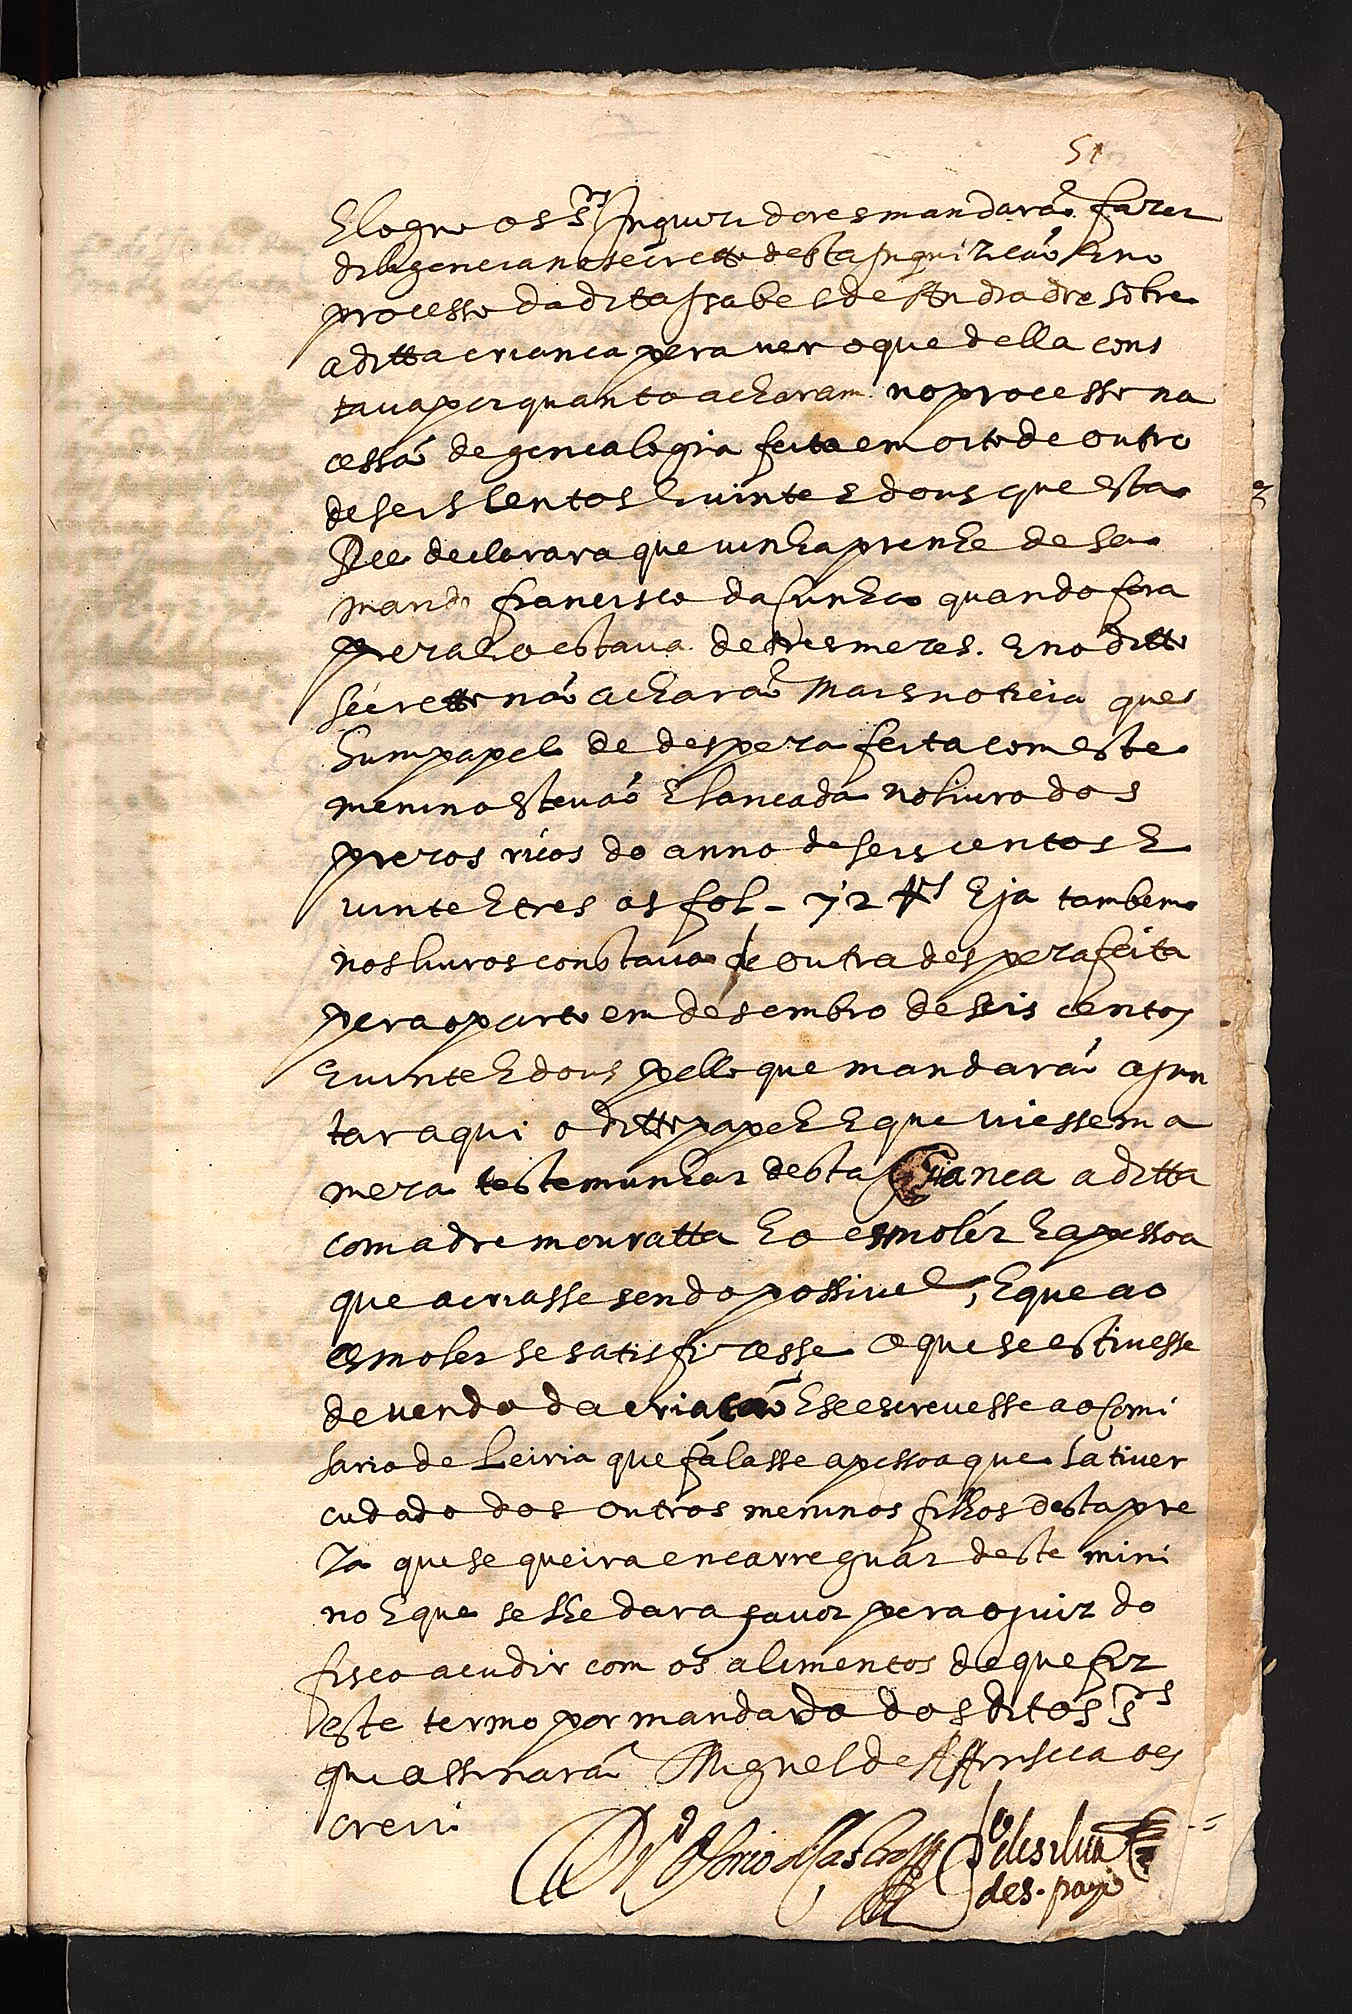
E loguo os sres Jnquizidores mandaraõ fazer
diligencia no secretto desta jnquizicaõ E no
processo da dita Jsabel de Andradre sobre
a ditta crianca pera uer o que della cons
taua porquanto acharam no processo na
cessaõ de genealogia feita em oito de outro
de seiscentos E uinte E dous que esta
Ree declarara que uinha prenhe de seu
marido francisco da Cunha quando fora
preza E o estaua de tres mezes. E no ditto
secretto naõ acharaõ mais noticia que
hum papel de despeza feita com este
menino steuaõ E lancada no liuro dos
prezos ricos do anno de seiscentos E
uinte E tres as fol - 72 V̶s E ja tambem
nos liuros constaua de outra despeza feita
pera o parto em desembro de seiscentos
E uinte E dous pello que mandaraõ ajun
tar aqui o ditto papel E que uiessem a
meza testemunhar desta
iança a ditta
comadre mouratta E o esmoler E a pessoa
que a criasse sendo possiuel, E que ao
esmoler se satisfizesse o que se estiuesse
deuendo da criaçaõ E se escreuesse ao Comi
sario de Leiria que falasse a pessoa que la tiuer
cudado dos outros meninos filhos desta pre
Za que se queira encarreguar deste mini
no E que se lhe dara fauor pera o juiz do
fisco acudir com os alimentos de que fiz
este termo por mandado dos ditos sres
que assinaraõ Miguel de Affonseca o es
creui
